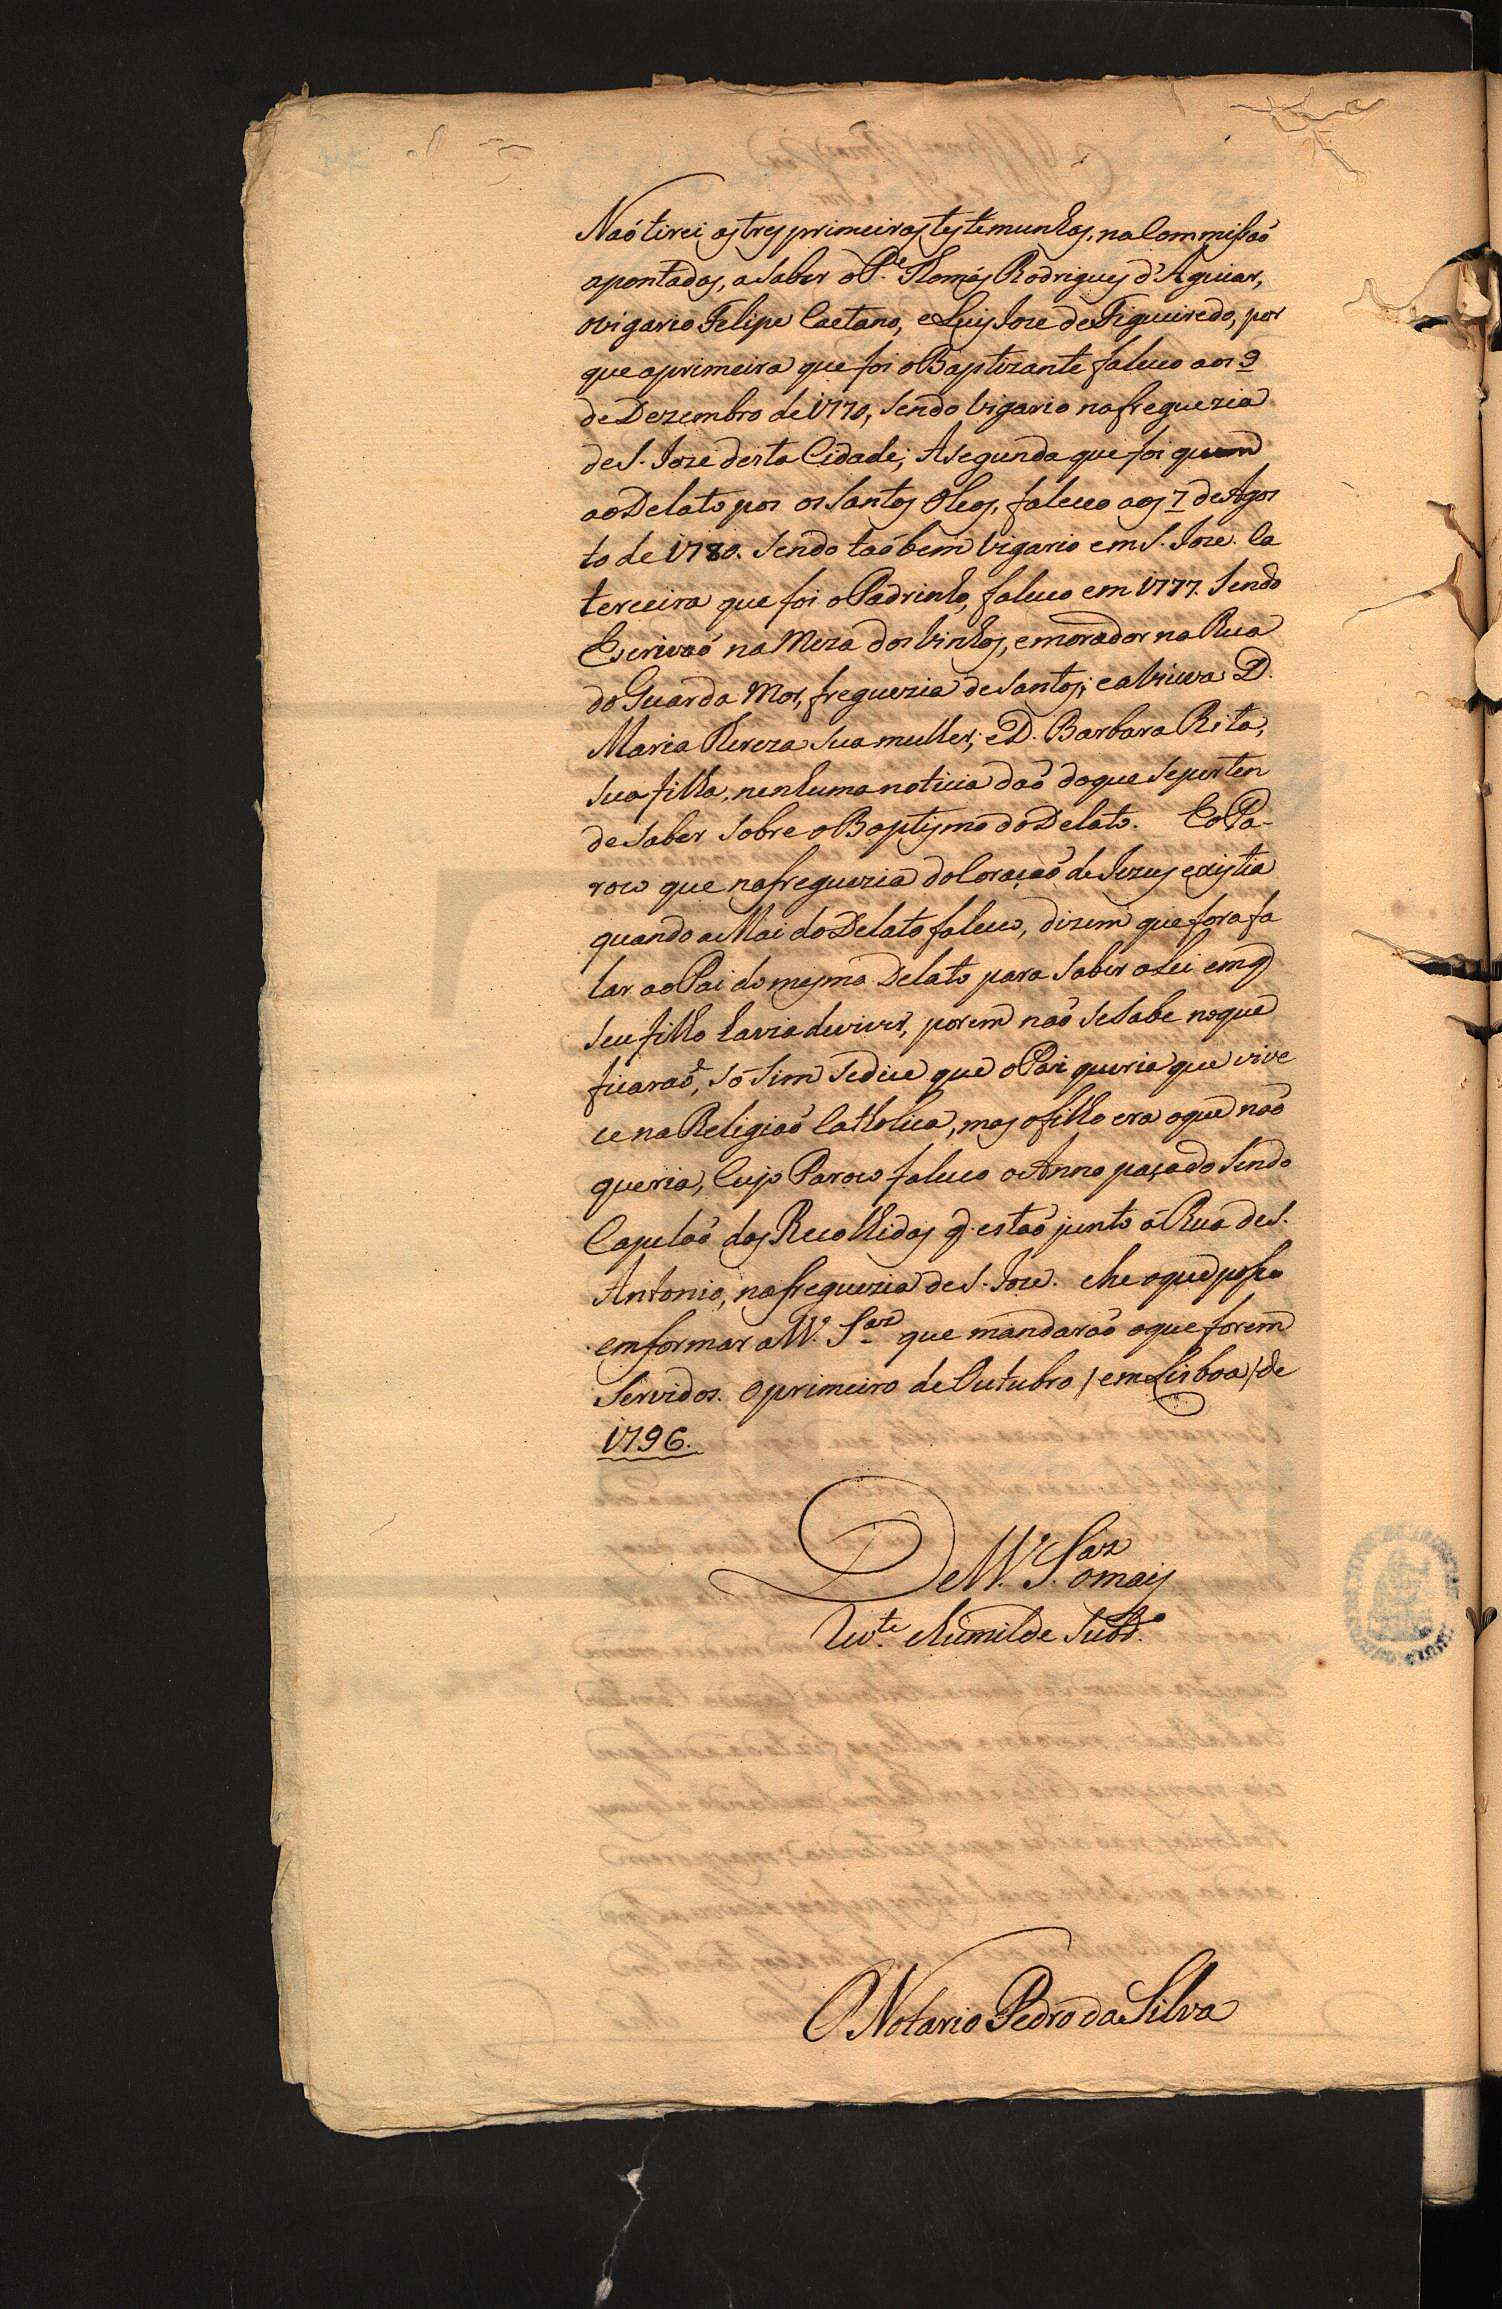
Naõ tirei as tres primeiras testemunhas, na Commissaõ
apontadas, a Saber o P.e Thomás Rodrigues d'Aguiar,
o vigario Felipe Caetano, e Luis Ioze de Figueiredo, por
que a primeira que foi o Baptizante faleceo aos 9
de Dezembro de 1770, sendo Vigario na freguezia
de S. Ioze desta Cidade; A segunda que foi quem
ao Delato pos os Santos Oleos, faleceo aos 7 de Agos
to de 1780. sendo taõbem vigario em S. Ioze. E a
terceira que foi o Padrinho, faleceo em 1777. sendo
Escrivaõ na Meza dos Vinhos, e morador na Rua
do Guarda Mor, freguezia de Santos; e a viuva D.
Maria Thereza sua mulher; e D. Barbara Rita,
sua filha, nenhuma noticia daõ do que se perten
de saber sobre o Baptismo do Delato. E o Pa
roco que na freguezia do Coraçaõ de Iezus existia
quando a Mai do Delato faleceo, dizem que fora fa
lar ao Pai do mesmo Delato para saber a Lei em q̄
seu filho havia de viver, porem naõ se sabe no que
ficaraõ, só sim se dice que o Pai queria que vive
ce na Religiaõ Catholica, mas o filho era o que naõ
queria, Cujo Paroco faleceo o Anno paçado Sendo
Capelaõ das Recolhidas q̄ estaõ junto á Rua de S.
Antonio, na freguezia de S. Ioze. e he o que posso
emformar a VV. S.as que mandaraõ o que forem
Servidos. o primeiro de Outubro / em Lisboa/ de
1796.
De VV. S.as o mais
Rev.te e humilde Subd.o
O Notario Pedro da Silva
